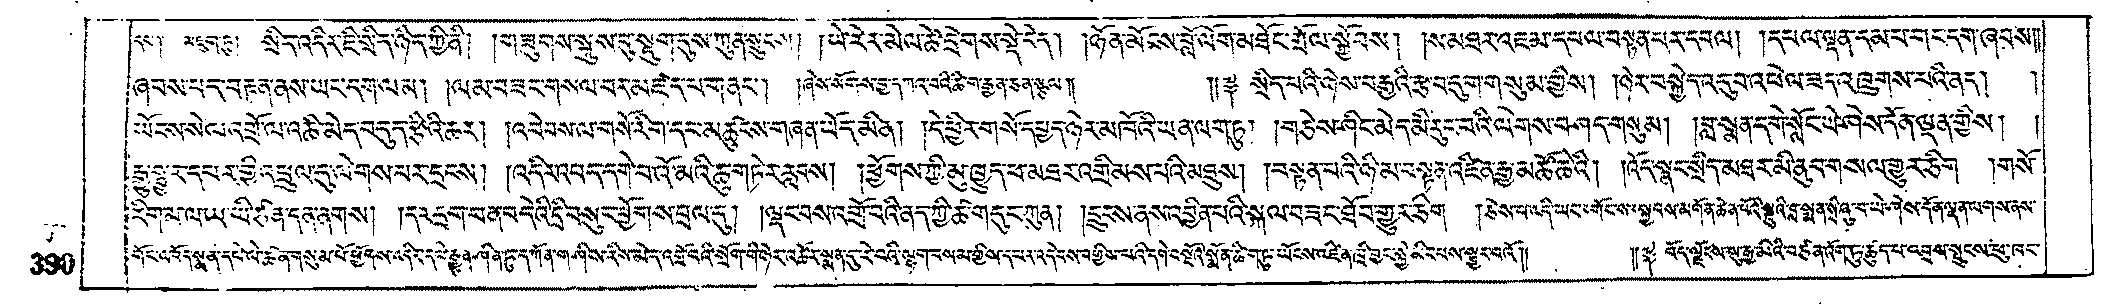དང༑ མཇུག་ཏུ། སྲིད་འདིར་ཇི་སྲིད་ཉིད་ཀྱི་ནི། །གཟུགས་སྐུས་བུ་སྡུག་དུས་ཀུན་སྲུངས། །ཡེ་རེར་མེལ་ཚེ་དྲེགས་སྡེ་ངེད། །ཉོན་མོངས་བློ་ལོག་མཐོང་གྲོལ་སྐྱོབས། །ས་མཐར་འཇམ་དཔལ་བསྟན་པར་དཔལ། །དཔལ་ལྡན་དམ་པ་གང་དག་ཞབས།།
ཞབས་པད་བརྟན་ནས་ཡང་དག་ལམ། །ལམ་བཟང་གསལ་བར་མཛད་པ་གནང་། །ཞེས་སོགས་བྱ་དཀའ་བའི་ཚིག་རྒྱན་ཅན་སྩལ།།  །།འ་སྲིད་པའི་ཉེས་བརྒྱའི་རྩ་བ་དུག་གསུམ་གྱིས། །ཉེར་བསྐྱེད་འདུ་བ་འཕེལ་ཟད་འཁྲུགས་པའི་ནད། །
ཡོངས་སེལ་འགྲོ་ལ་འཆི་མེད་བདུད་རྩིའི་ཆར། །འབེབས་ལ་གསོ་རིག་དང་མཚུངས་གཞན་ཡོད་མིན། །དེ་ཕྱིར་གསོ་དཔྱད་ཉེར་མཁོའི་ཡན་ལག་ཏུ། །གཅེས་ཤིང་མེད་མི་རུང་བའི་ལེགས་བཤད་གསུམ། །བླ་སྨན་དགེ་སློང་ཡེ་ཤེས་དོན་ལྡན་གྱིས། །
རྒྱུ་སྦྱར་དཔར་གྱི་འཕྲུལ་དུ་ལེགས་པར་དྲངས། །འདིར་འབད་དགེ་བ་འོ་མའི་ཆུ་གཏེར་རླབས། །ཕྱོགས་ཀྱི་མུ་ཁྱུད་ཕ་མཐར་འགྲིམས་པའི་མཐུས། །བསྟན་པའི་ཉི་མ་བསྟན་འཛིན་རྒྱ་མཚོ་ཆེའི། །འོད་སྣང་སྲིད་མཐར་མི་ནུབ་གསལ་གྱུར་ཅིག །གསོ་
རིག་མ་ལ་ཡ་ཡི་ཙན་དན་ནགས། །དར་དྲག་ཕན་བདེའི་དྲི་བསུང་ཕྱོགས་བྲལ་དུ། །ལྡང་བས་འགྲོ་བའི་ནད་ཀྱི་ཚ་གདུང་ཀུན། །དྲུངས་ནས་འབྱིན་པའི་སྐལ་བཟང་ཐོབ་གྱུར་ཅིག །ཅེས་པ་འདི་ཡང ༧གོང་ས ༧སྐྱབས་མགོན་ཆེན་པོའི་སྐུའི་བླ་སྨན་སྲི་ཞུ་བ་ཡེ་ཤེས་དོན་ལྡན་ལགས་ནས་
གོང་འཁོད་སྨན་དཔེ་ལེ་ཚན་གསུམ་པོ་ཕྱོགས་འདིར་དཔེ་རྒྱུན་ཤིན་ཏུ་དཀོན་གཤིས་རིས་མེད་འགྲོ་བའི་སྲོག་གི་ཉེར་འཚོར་སྨན་དུ་རེ་བའི་ལྷག་བསམ་གྱིས་དཔར་བགྱིས་པའི་དགེ་བསྔོའི་སྨོན་ཚིག་ཏུ་ཡོངས་འཛིན་ཁྲི་བྱང་སྐྱེ་མིང་པས་སྦྱར་བའོ།། །།འབོད་ལྗོངས་སུ་རྒྱ་མིའི་བཙན་འོག་ཏུ་ཚུད་པ་འབྲས་སྤུངས་ཕུ་ཁང་